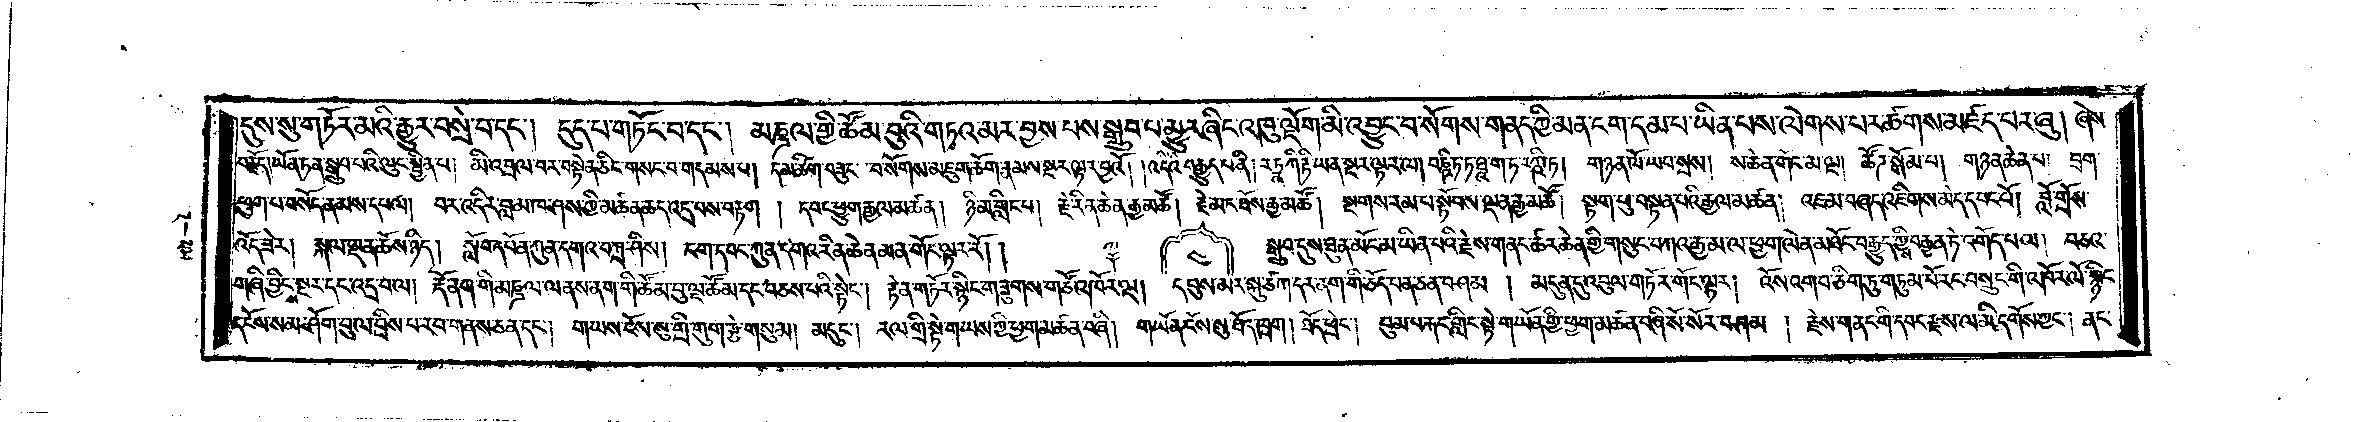དུས་སུ་གཏོར་མའི་རྒྱུར་བསྲེ་བ་དང་། དུད་པ་གཏོང་བ་དང་། མཎྜལ་གྱི་ཚོམ་བུའི་གཏའ་མར་བྱས་པས་སྒྲུབ་པ་མྱུར་ཞིང་འཁུ་ལྡོག་མི་འབྱུང་བ་སོགས་གནད་ཀྱི་མན་ངག་དམ་པ་ཡིན་པས་ལེགས་པར་ཚགས་མཛད་པར་ཞུ། ཞེས་
བརྗོད། ཡོན་ཏན་སྒྲུབ་པའི་ལུང་སྦྱིན་པ། མི་འབྲལ་བར་བསྟེན་ཅིང་གསང་བ་གདམས་པ། དམ་ཚིག་བཟུང་བ་ལ་སོགས་མཇུག་ཆོག་རྣམས་སྔར་ལྟར་བྱའོ། །འདིའི་བརྒྱུད་པ་ནི། རཏྣ་ཀིརྟི་ཡན་སྔར་ལྟར་ལ། བཎྜི་ཏ་ཏ་ཐཱ་ག་ཏ་རཀྵི་ཏ། གཉན་ལོ་ཡབ་སྲས། ས་ཆེན་གོང་མ་ལྔ། ཚོཌ་སྒོམ་པ། གཉན་ཆེན་པ། བྲག་
ཕུག་པ་བསོད་ནམས་དཔལ། བར་འདིར་བླ་མ་ཁ་ཤས་ཀྱི་མཚན་ཆད་འདྲ་བས་བརྟག །དབང་ཕྱུག་རྒྱལ་མཚན། ཉི་མ་གླིང་པ། རྗེ་རིན་ཆེན་རྒྱ་མཚོ། རྗེ་མང་ཐོས་རྒྱ་མཚོ། སྔགས་རམ་པ་སྟོབས་ལྡན་རྒྱ་མཚོ། སྟག་ཕུ་བསྟན་པའི་རྒྱལ་མཚན། འཇམ་བཞད་འཇིགས་མེད་དབང་པོ། བློ་གྲོས་
འོད་ཟེར། སྐལ་ལྡན་ཆོས་ཉིད། སློབ་དཔོན་ཀུན་དགའ་བཀྲ་ཤིས། ངག་དབང་ཀུན་དགའ་རིན་ཆེན་མན་གོང་ལྟར་རོ། ། ༈ ༼༽༤༼༽ སྒྲུབ་དུས་ཐུན་མོང་མ་ཡིན་པའི་རྗེས་གནང་ཚར་ཆེན་གྱི་གསུང་བཀའ་རྒྱལ་མ་ལ་ཕྱག་ལེན་མཐོང་བརྒྱུད་ཀྱིས་བརྒྱན་ཏེ་བཞོན་འགོད་པ་ལ། བཅའ་
གཞི་བྱིངས་སྔར་དང་འདྲ་པ་ལ། རྡོ་ནག་གི་མཎྜལ་ལ་ནས་ནག་གི་ཚོམ་བུ་ལྔ་ཚོམ་དང་བཅས་པའི་སྟེང་། རྟེན་གཏོར་སྙིང་གཟུགས་གཙོ་འཁོར་ལྔ། དབུས་མར་སྐུ་ཙཀ་དར་ནག་གི་ཅོད་པན་ཅན་བཤམ། མདུན་དུ་འབུལ་གཏོར་གོང་ལྟར། འོས་འབབ་ཅིག་ཏུ་གཏུམ་པོ་རང་བསྲུང་གི་འཁོར་ལོ་སྙིང་
དངོས་སམ་ཤོག་བུ་ལ་བྲིས་པ་རབ་གནས་ཅན་དང་། གཡས་ངོས་སུ་གྲི་གུག་རྩེ་གསུམ་མདུང་། རལ་གྲི་སྟེ་གཡས་ཀྱི་ཕྱག་མཚན་གཞི། གཡོན་ངོས་སུ་ཐོད་ཁྲག ། ཐོད་ཕྲེང་། བུམ་པ་རྐང་གླིང་སྟེ་གཡོན་གྱི་ཕྱག་མཚན་བཞི་སོ་སོར་བཤམ། རྗེས་གནང་གི་དབང་རྫས་ལ་མི་དགོས་ཀྱང་། ནང་